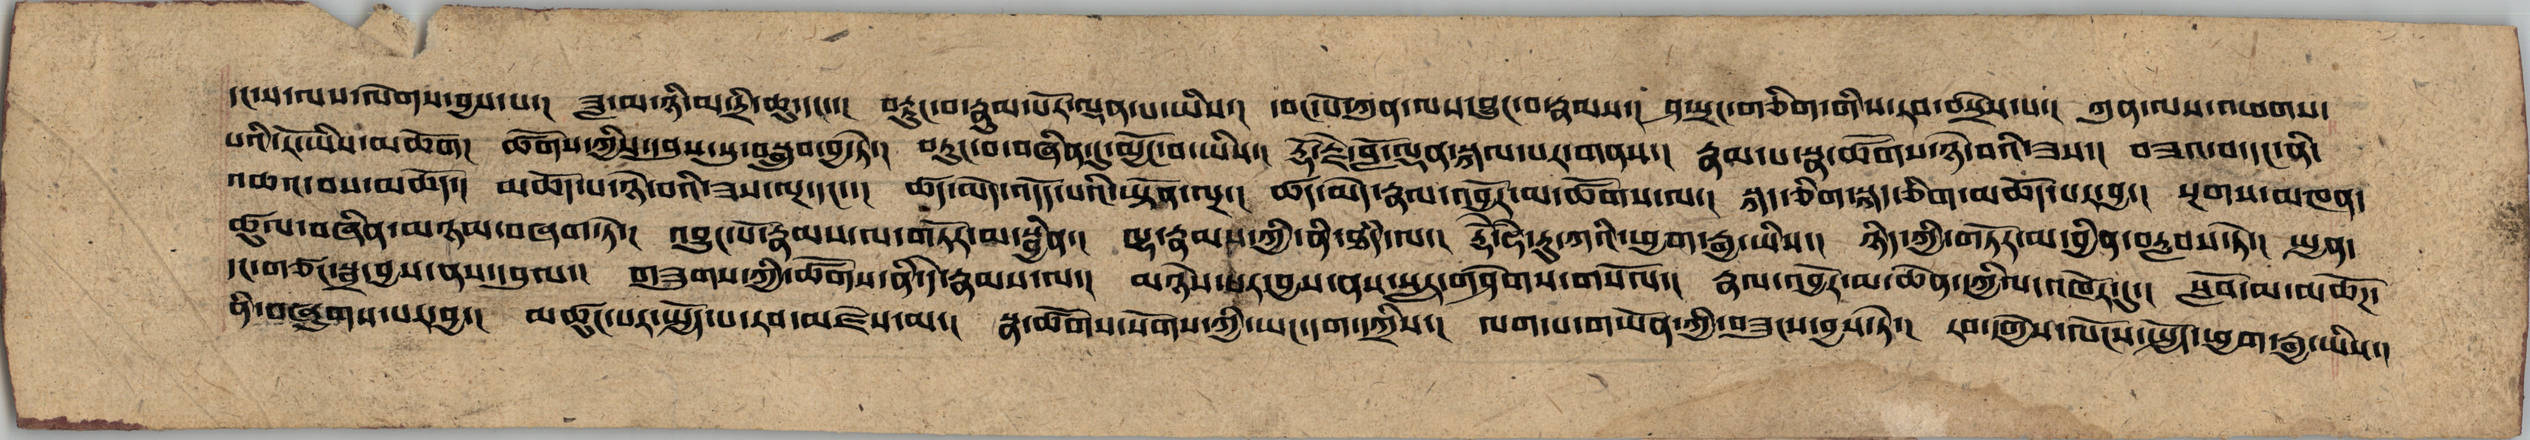དང་ས་ལས་ལེགས་བྱས་པ་། ཟླ་མ་ཉི་མ་དྲི་ཆུ་དང་་། བརྟུང་བ་རྣུམ་པོར་ལྡན་པ་ཡིས་། དབང་པོ་ཀུན་ལས་འབྱུང་བ་རྣམས་། ཤ་སྲང་གཅིག་གིས་རབ་བསྲེས་པ་། ཀུན་ལས་འཕགས་
པའི་རོ་ཡིས་མཆོག། ཚོགས་ཀྱིས་དབུས་སུ་བསྒྲུབ་བྱ་ཏེ་། བཏུང་བ་བཞིན་དུ་མྱོང་བ་ཡིས་། རྡོ་རྗེ་བློ་ལྡན་སྐལ་པར་གནས་། རྣམ་པ་སྣ་ཚོགས་ཉེ་བའི་ཟས་། བཟའ་བ་དང་ནི་
འཆའ་བས་མཆོད་། མཆོད་པ་ཉེ་བའི་ཟས་ལྔ་དང་་། ཚད་མེད་འདོད་པའི་ཡྟོན་ལྔ་། ཚད་མེད་རྣལ་འབྱོར་མ་ཚོགས་ལ་། སྐད་ཅིག་སྐད་ཅིག་མཆོད་པར་བྱ་། སྔགས་མཁན་
ཚུལ་བཞིན་མཉམ་བཞག་ཏེ་། འབྱུང་པོ་རྣམས་ལ་གཏོར་མ་སྦྱིན་། ལྷ་རྣམས་ཀྱི་ནི་ཐཾད་ལ་། རྡོེ་ཧེ་རུ་ཀའི་ཕྱག་རྒྱ་ཡིས་། ཉིད་ཀྱི་གཏོར་ན་བྱིན་བརླབས་ཏེ་། སྤྱན་
དང་གཙང་སྦྲ་བྱས་ནས་དབུལ་། གཟུགས་ཀྱི་ཚོགས་ནི་དེ་རྣམས་ལ་། མཉེས་པར་བྱས་ནས་སླར་གཤེགས་གསོལ་། རྣལ་འབྱོར་མ་ཆེན་དཀྱིལ་འཁོར་དུ་། སློབ་མ་མཆོཌ་
ནི་བཞུགས་པར་བྱ་། མཚུང་པར་སྤྱོད་པ་རབ་མཛེས་མ་། སྣ་ཚོགས་སོགས་ཀྱི་ཡང་དག་དཀྲིས་། ལག་པ་གཡོན་ཀྱི་བཟུངས་བྱས་ཏེ་། རབ་དགྱེས་ལོངས་སྤྱོད་ཕྱག་རྒྱ་ཡིས་།